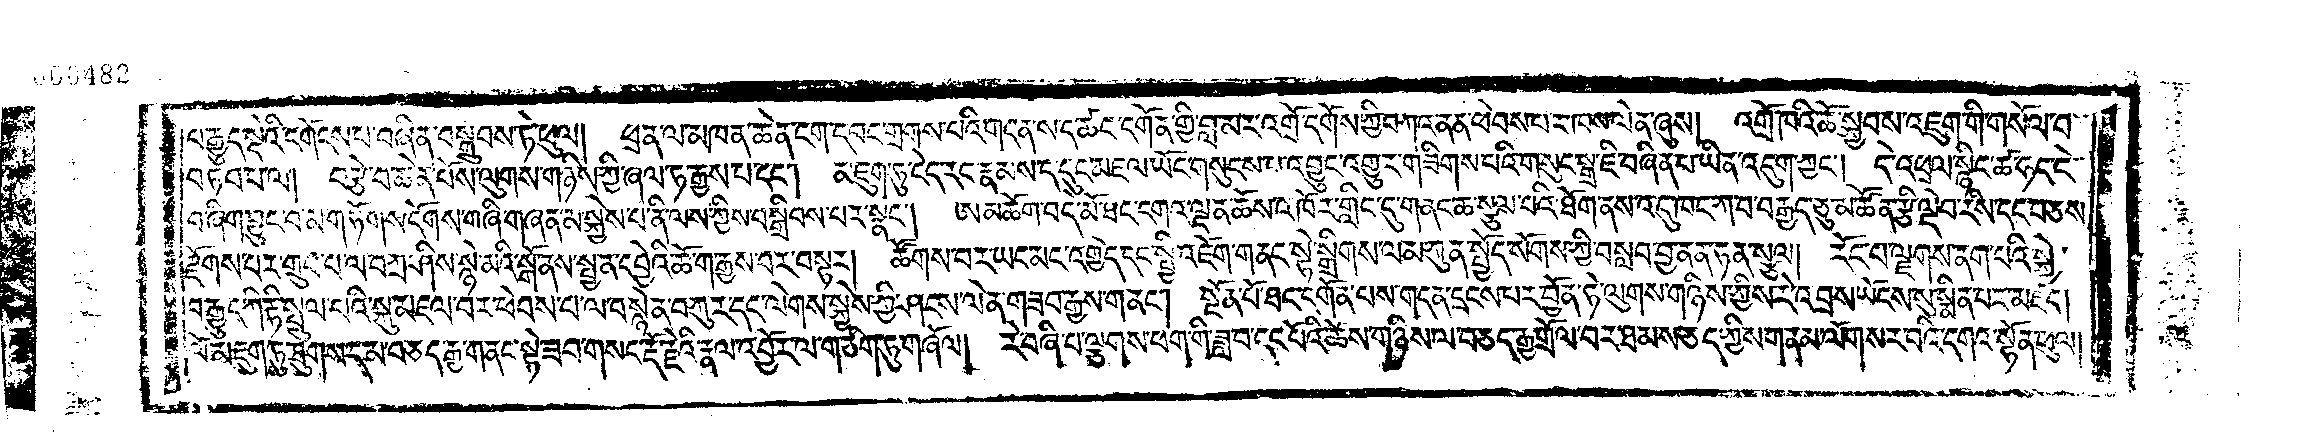བ་རྒྱུད་སྡེའི་དགོངས་པ་བཞིན་བསྒྲུབས་ཏེ་ཕུལ། ཕྲན་ལ་མཁན་ཆེན་ངག་དབང་གྲགས་པའི་གདན་ས་ད་ཚང་དགོན་གྱི་བླ་མར་འགྲོ་དགོས་ཀྱི་བཀའ་ནན་ཕེབས་པར་ཁས་ལེན་ཞུས། འགྲོ་ཁའི་ཚེ་སྐྱབས་འཇུག་གི་གསོལ་བ་
བཏབ་པ་ལ། བརྩེ་བ་ཆེན་པོས་ལུགས་གཉིས་ཀྱི་ཞལ་ཏ་རྒྱས་པ་དང་། མཇུག་ཏུ་ངེད་རང་རྣམས་ད་དུང་མཇལ་ཡོང་གསུངས་པ་འབྱུང་འགྱུར་གཟིགས་པའི་གསུང་སྒྲ་ཇི་བཞིན་པ་ཡིན་འདུག་ཀྱང་། དེ་འཕྲལ་སྙིང་ཚ་ཧང་ངེ་
བ་ཞིག་བྱུང་བ་མ་གཏོགས་ངོགས་གཞི་གཞན་མ་སྐྱེས་པ་ནི་ལས་ཀྱིས་བསྒྲིབས་པར་སྣང་། ཨ་མཆོག་བདེ་མོ་ཐང་དགའ་ལྡན་ཆོས་འཁོར་གླིང་དུ་གནང་ཆ་སྩལ་པའི་ཐོག་ནས་འདུ་ཁང་ཀ་བ་བརྒྱད་ཅུ་མ་ཚོན་རྩི་ལྡེབ་རིས་དང་བཅས་
རྫོགས་པར་གྲུབ་པ་ལ་བཀྲ་ཤིས་སྙེ་མའི་སྒོ་ནས་སྤྱན་དབྱེའི་ཆོ་ག་རྒྱས་པར་བསྟར། ཚོགས་པར་ཡང་མང་འགྱེད་དང་སྤྱི་འཇོག་གནང་སྟེ་སྒྲིགས་ལམ་ཀུན་སྤྱོད་སོགས་ཀྱི་བསླབ་བྱ་ནན་ཏན་སྩལ། རོང་པ་ལྗགས་ནག་པའི་སྐྱེ་
བརྒྱུད་ཀི་རྟི་སྤྲུལ་པའི་སྐུ་མཇལ་བར་ཕེབས་པ་ལ་བསྙེན་བཀུར་དང་ལེགས་སྐྱེས་ཀྱི་ཤངས་ལེན་གཟབ་རྒྱས་གནང་། སྔོན་པོ་ཐང་དགོན་པས་གདན་དྲངས་པར་བྱོན་ཏེ་ལུགས་གཉིས་ཀྱིས་རེ་འབྲས་ཡོངས་སུ་སྨིན་པར་མཛད།
ལོ་མཇུག་ཏུ་ཐུགས་དམ་བཅད་རྒྱ་གནང་སྟེ་ཟབ་གསང་རྡོ་རྗེའི་རྣལ་འབྱོར་ལ་གཅིག་ཏུ་གཞོལ། རེ་བཞི་པ་ལྕགས་ཕག་གི་ཟླ་བ་དང་པོའི་ཚེས་གཉིས་ལ་བཅད་རྒྱ་གྲོལ་བར་ཐམས་ཅད་ཀྱིས་གནམ་ལོ་གསར་བའི་དགའ་སྟོན་ཕུལ།